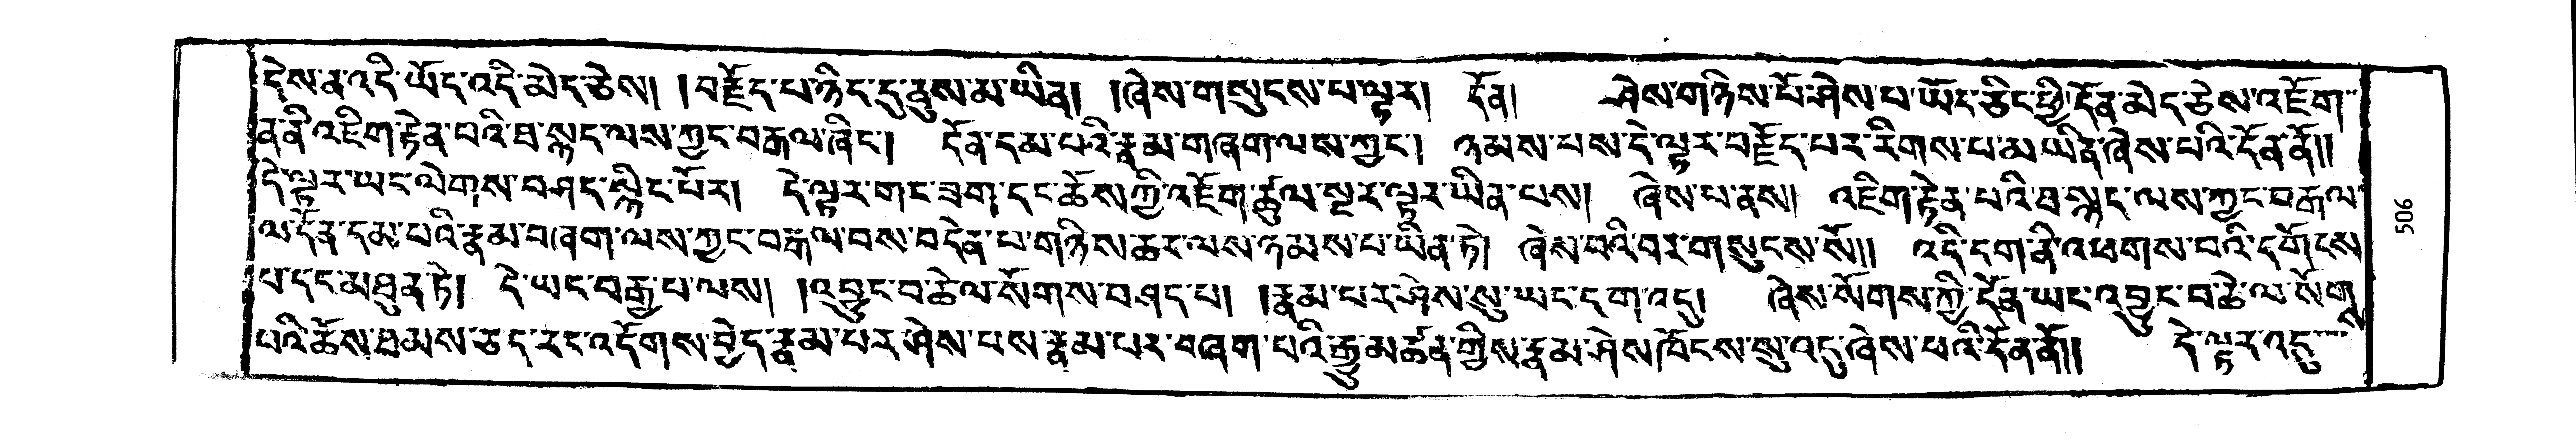དེས་ན་འདི་ཡོད་འདི་མེད་ཅེས། །བརྗོད་པ་ཉིད་དུ་ནུས་མ་ཡིན། །ཞེས་གསུངས་པ་ལྟར། དོན། ཤེས་གཉིས་པོ་ཤེས་པ་ཡོད་ཅིང་ཕྱི་དོན་མེད་ཅེས་འཇོག་
ན་ནི་འཇིག་རྟེན་པའི་ཐ་སྙད་ལས་ཀྱང་བརྒལ་ཞིང་། དོན་དམ་པའི་རྣམ་གཞག་ལས་ཀྱང་། ཉམས་པས་དེ་ལྟར་བརྗོད་པར་རིགས་པ་མ་ཡིན་ཞེས་པའི་དོན་ནོ།།
དེ་ལྟར་ཡང་ལེགས་བཤད་སྙིང་པོར། དེ་ལྟར་གང་ཟག་དང་ཆོས་ཀྱི་འཇོག་ཚུལ་སྔར་ལྟར་ཡིན་པས། ཞེས་པ་ནས། འཇིག་རྟེན་པའི་ཐ་སྙད་ལས་ཀྱང་བརྒལ་
ལ་དོན་དམ་པའི་རྣམ་བཞག་ལས་ཀྱང་བརྒལ་བས་བདེན་པ་གཉིས་ཆར་ལས་ཉམས་པ་ཡིན་ཏེ། ཞེས་པའི་བར་གསུངས་སོ། །འདི་དག་ནི་འཕགས་པའི་དགོངས་
པ་དང་མཐུན་ཏེ། དེ་ཡང་བརྒྱ་པ་ལས། །འབྱུང་བ་ཆེ་ལ་སོགས་བཤད་པ། །རྣམ་པར་ཤེས་སུ་ཡང་དག་འདུ། ཞེས་སོགས་ཀྱི་དོན་ཡང་འབྱུང་བ་ཆེ་ལ་སོགས་
པའི་ཆོས་ཐམས་ཅད་རང་འདོགས་བྱེད་རྣམ་པར་ཤེས་པས་རྣམ་པར་བཞག་པའི་རྒྱུ་མཚན་གྱིས་རྣམ་ཤེས་ཁོངས་སུ་འདུ་ཞེས་པའི་དོན་ནོ། །དེ་ལྟར་འདུ་